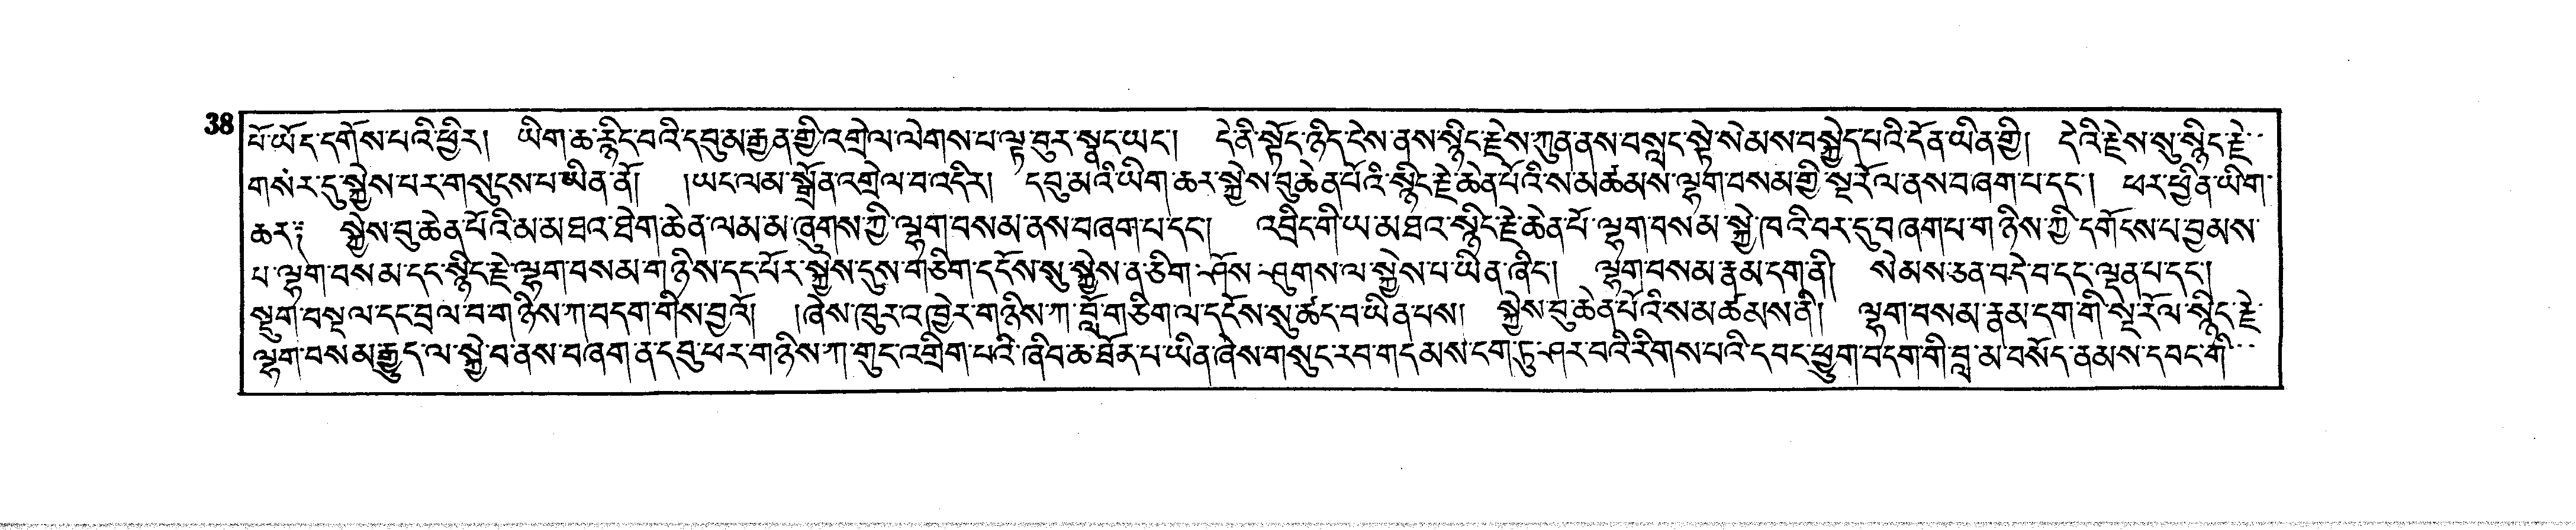པོ་ཡོད་དགོས་པའི་ཕྱིར། ཡིག་ཆ་རྙིང་བའི་དབུ་མ་རྒྱན་གྱི་འགྲེལ་ལེགས་པ་ལྟ་བུར་སྣང་ཡང་། དེ་ནི་སྟོང་ཉིད་ངེས་ནས་སྙིང་རྗེས་ཀུན་ནས་བསླང་སྟེ་སེམས་བསྐྱེད་པའི་དོན་ཡིན་གྱི། དེའི་རྗེས་སུ་སྙིང་རྗེ་
གསར་དུ་སྐྱེས་པར་གསུངས་པ་ཡིན་ནོ། །ཡང་ལམ་སྒྲོན་འགྲེལ་བ་འདིར། དབུ་མའི་ཡིག་ཆར་སྐྱེས་བུ་ཆེན་པོའི་སྙིང་རྗེ་ཆེན་པོའི་ས་མཚམས་ལྷག་བསམ་གྱི་སྔ་རོལ་ནས་བཞག་པ་དང་། ཕར་ཕྱིན་ཡིག་
ཆར། སྐྱེས་བུ་ཆེན་པོའི་མ་མཐའ་ཐེག་ཆེན་ལམ་མ་ཞུགས་ཀྱི་ལྷག་བསམ་ནས་བཞག་པ་དང་། འབྲིང་གི་ཡ་མཐའ་སྙིང་རྗེ་ཆེན་པོ་ལྷག་བསམ་སྐྱེ་ཁའི་བར་དུ་བཞག་པ་གཉིས་ཀྱི་དགོངས་པ་བྱམས་
པ་ལྷག་བསམ་དང་སྙིང་རྗེ་ལྷག་བསམ་གཉིས་དང་པོར་སྐྱེས་དུས་གཅིག་དངོས་སུ་སྐྱེས་ན་ཅིག་ཤོས་ཤུགས་ལ་སྐྱེས་པ་ཡིན་ཞིང་། ལྷག་བསམ་རྣམ་དག་ནི། སེམས་ཅན་བདེ་བ་དང་ལྡན་པ་དང་།
སྡུག་བསྔལ་དང་བྲལ་བ་གཉིས་ཀ་བདག་གིས་བྱའོ། །ཞེས་ཁུར་འཁྱེར་གཉིས་ཀ་བློ་གཅིག་ལ་དངོས་སུ་ཚང་བ་ཡིན་པས། སྐྱེས་བུ་ཆེན་པོའི་ས་མཚམས་ནི། ལྷག་བསམ་རྣམ་དག་གི་སྔ་རོལ་སྙིང་རྗེ་
ལྷག་བསམ་རྒྱུད་ལ་སྐྱེ་བ་ནས་བཞག་ན་དབུ་ཕར་གཉིས་ཀ་གུང་འགྲིག་པའི་ཞིབ་ཆ་ཐོན་པ་ཡིན་ཞེས་གསུང་རབ་གདམས་ངག་ཏུ་ཤར་བའི་རིགས་པའི་དབང་ཕྱུག་བདག་གི་བླ་མ་བསོད་ནམས་དབང་གི་